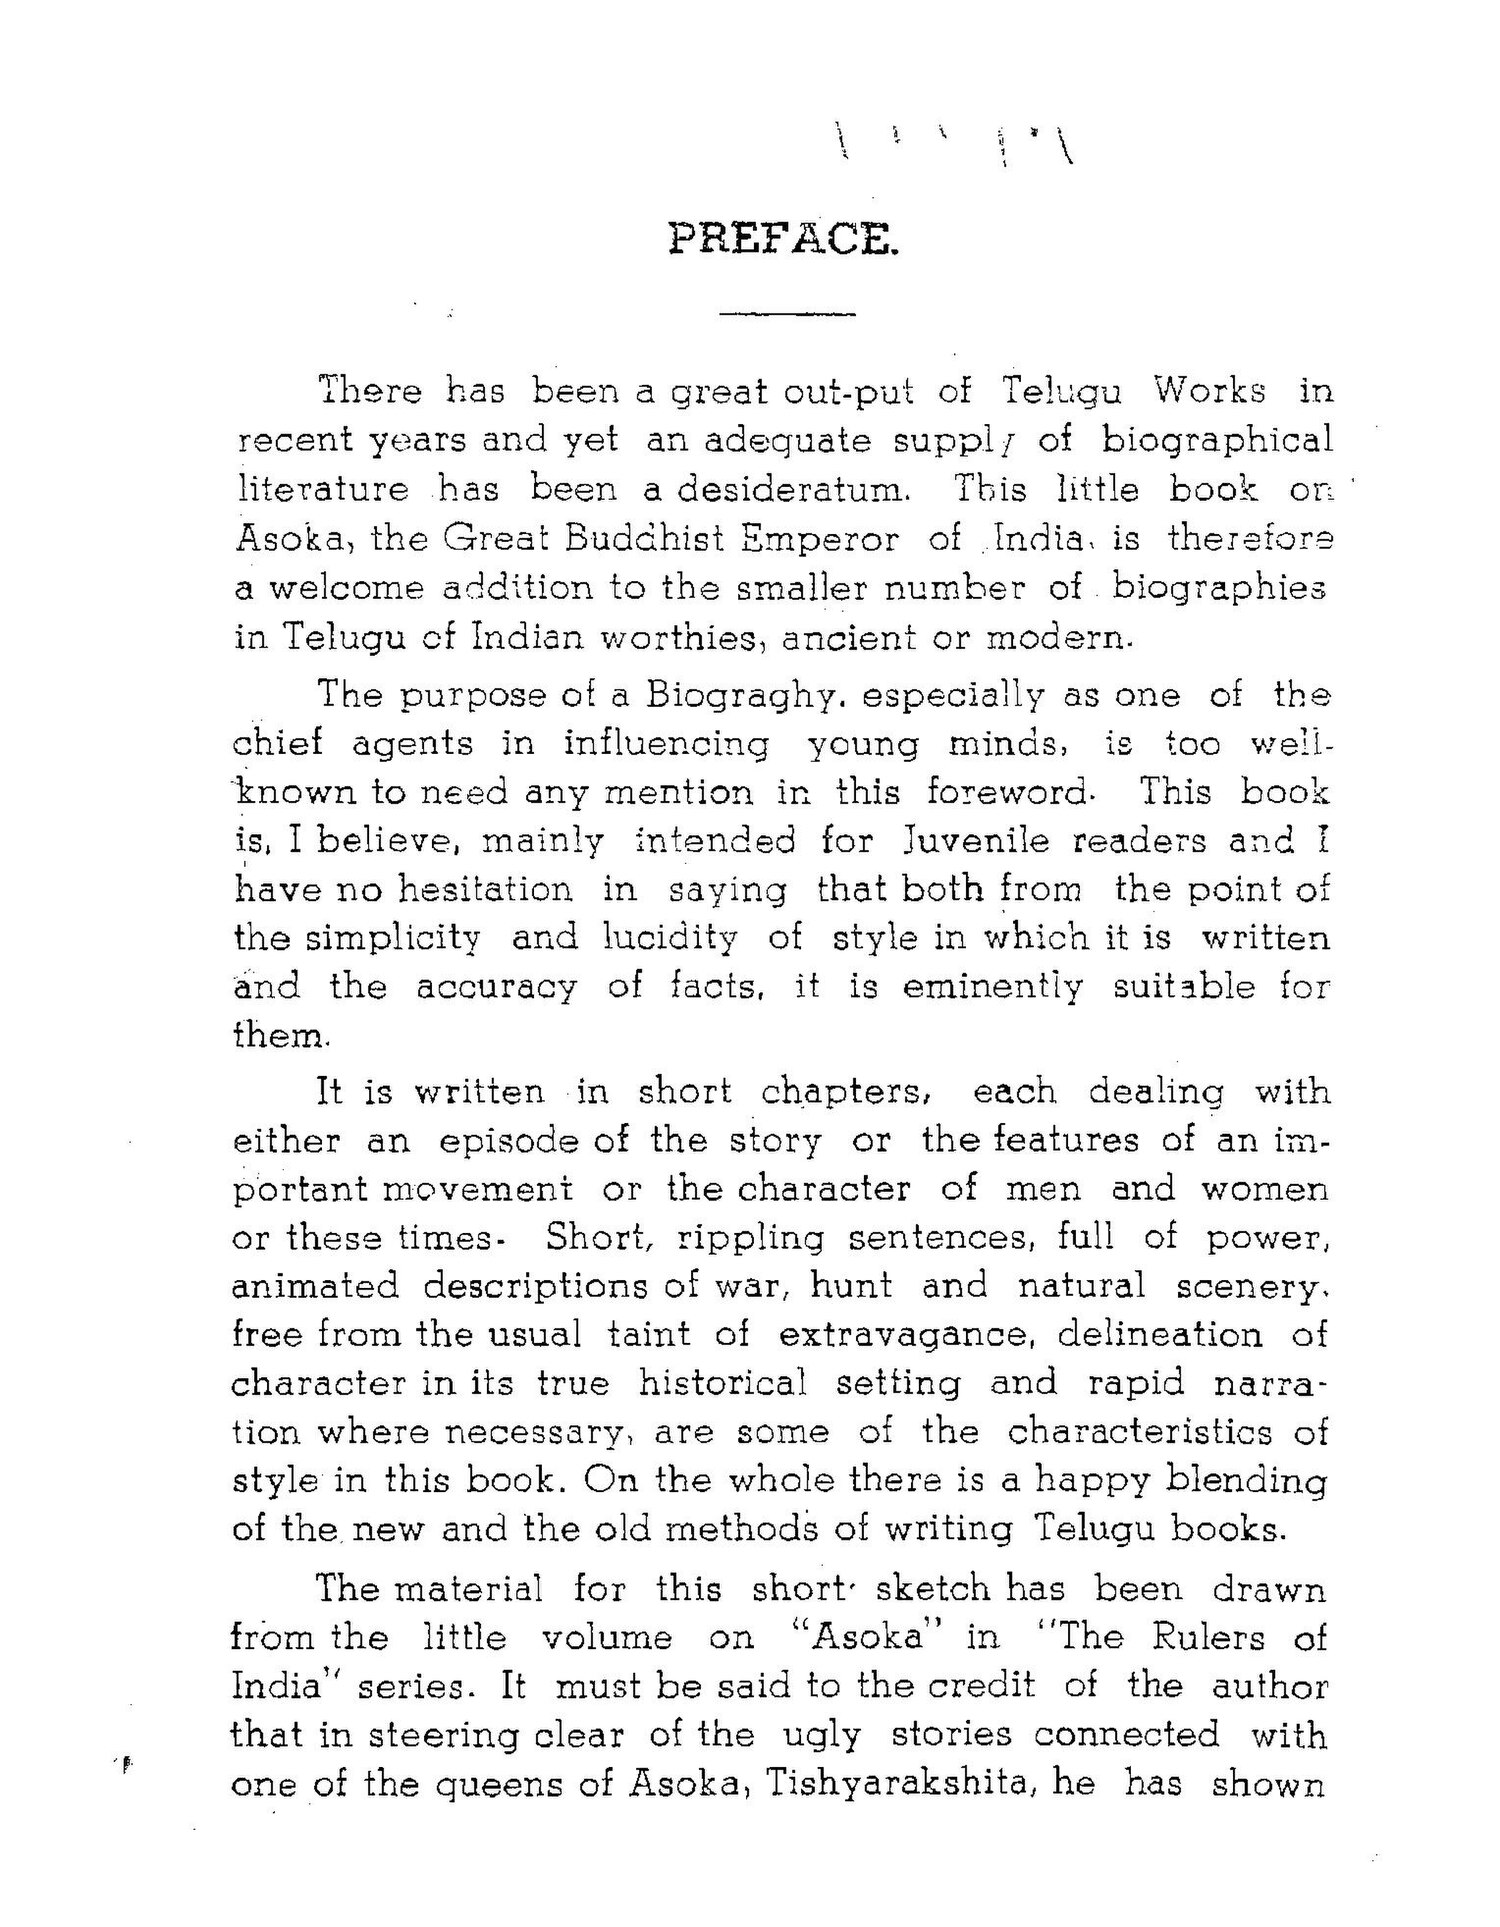PREFACE.

There has been a great out-put of Telugu Works in recent years and yet an adequate supply of biographical literature has been a desideratum. This little book on Asoka, the Great Buddhist Emperor of India is therefore a welcome addition to the smaller number of biographies in Telugu of Indian worthies, ancient or modern.

The purpose of a Biography, especially as one of the chief agents in influencing young minds, is too well known to need any mention in this foreword. This book is, I believe, mainly intended for Juvenile readers and I have no hesitation in saying that both from the point of the simplicity and lucidity of style in which it is written and the accuracy of facts, it is eminently suitable for them.

It is written in short chapters, each dealing with either an episode of the story or the features of an important movement or the character of men and women or these times. Short, rippling sentences, full of power, animated descriptions of war, hunt and natural scenery. free from the usual taint of extravagance, delineation of character in its true historical setting and rapid narration where necessary, are some of the characteristics of style in this book. On the whole there is a happy blending of the new and the old methods of writing Telugu books.

The material for this short sketch has been drawn from the little volume on "Asoka" in "The Rulers of India" series. It must be said to the credit of the author that in steering clear of the ugly stories connected with one of the queens of Asoka, Tishyarakshita, he has shown